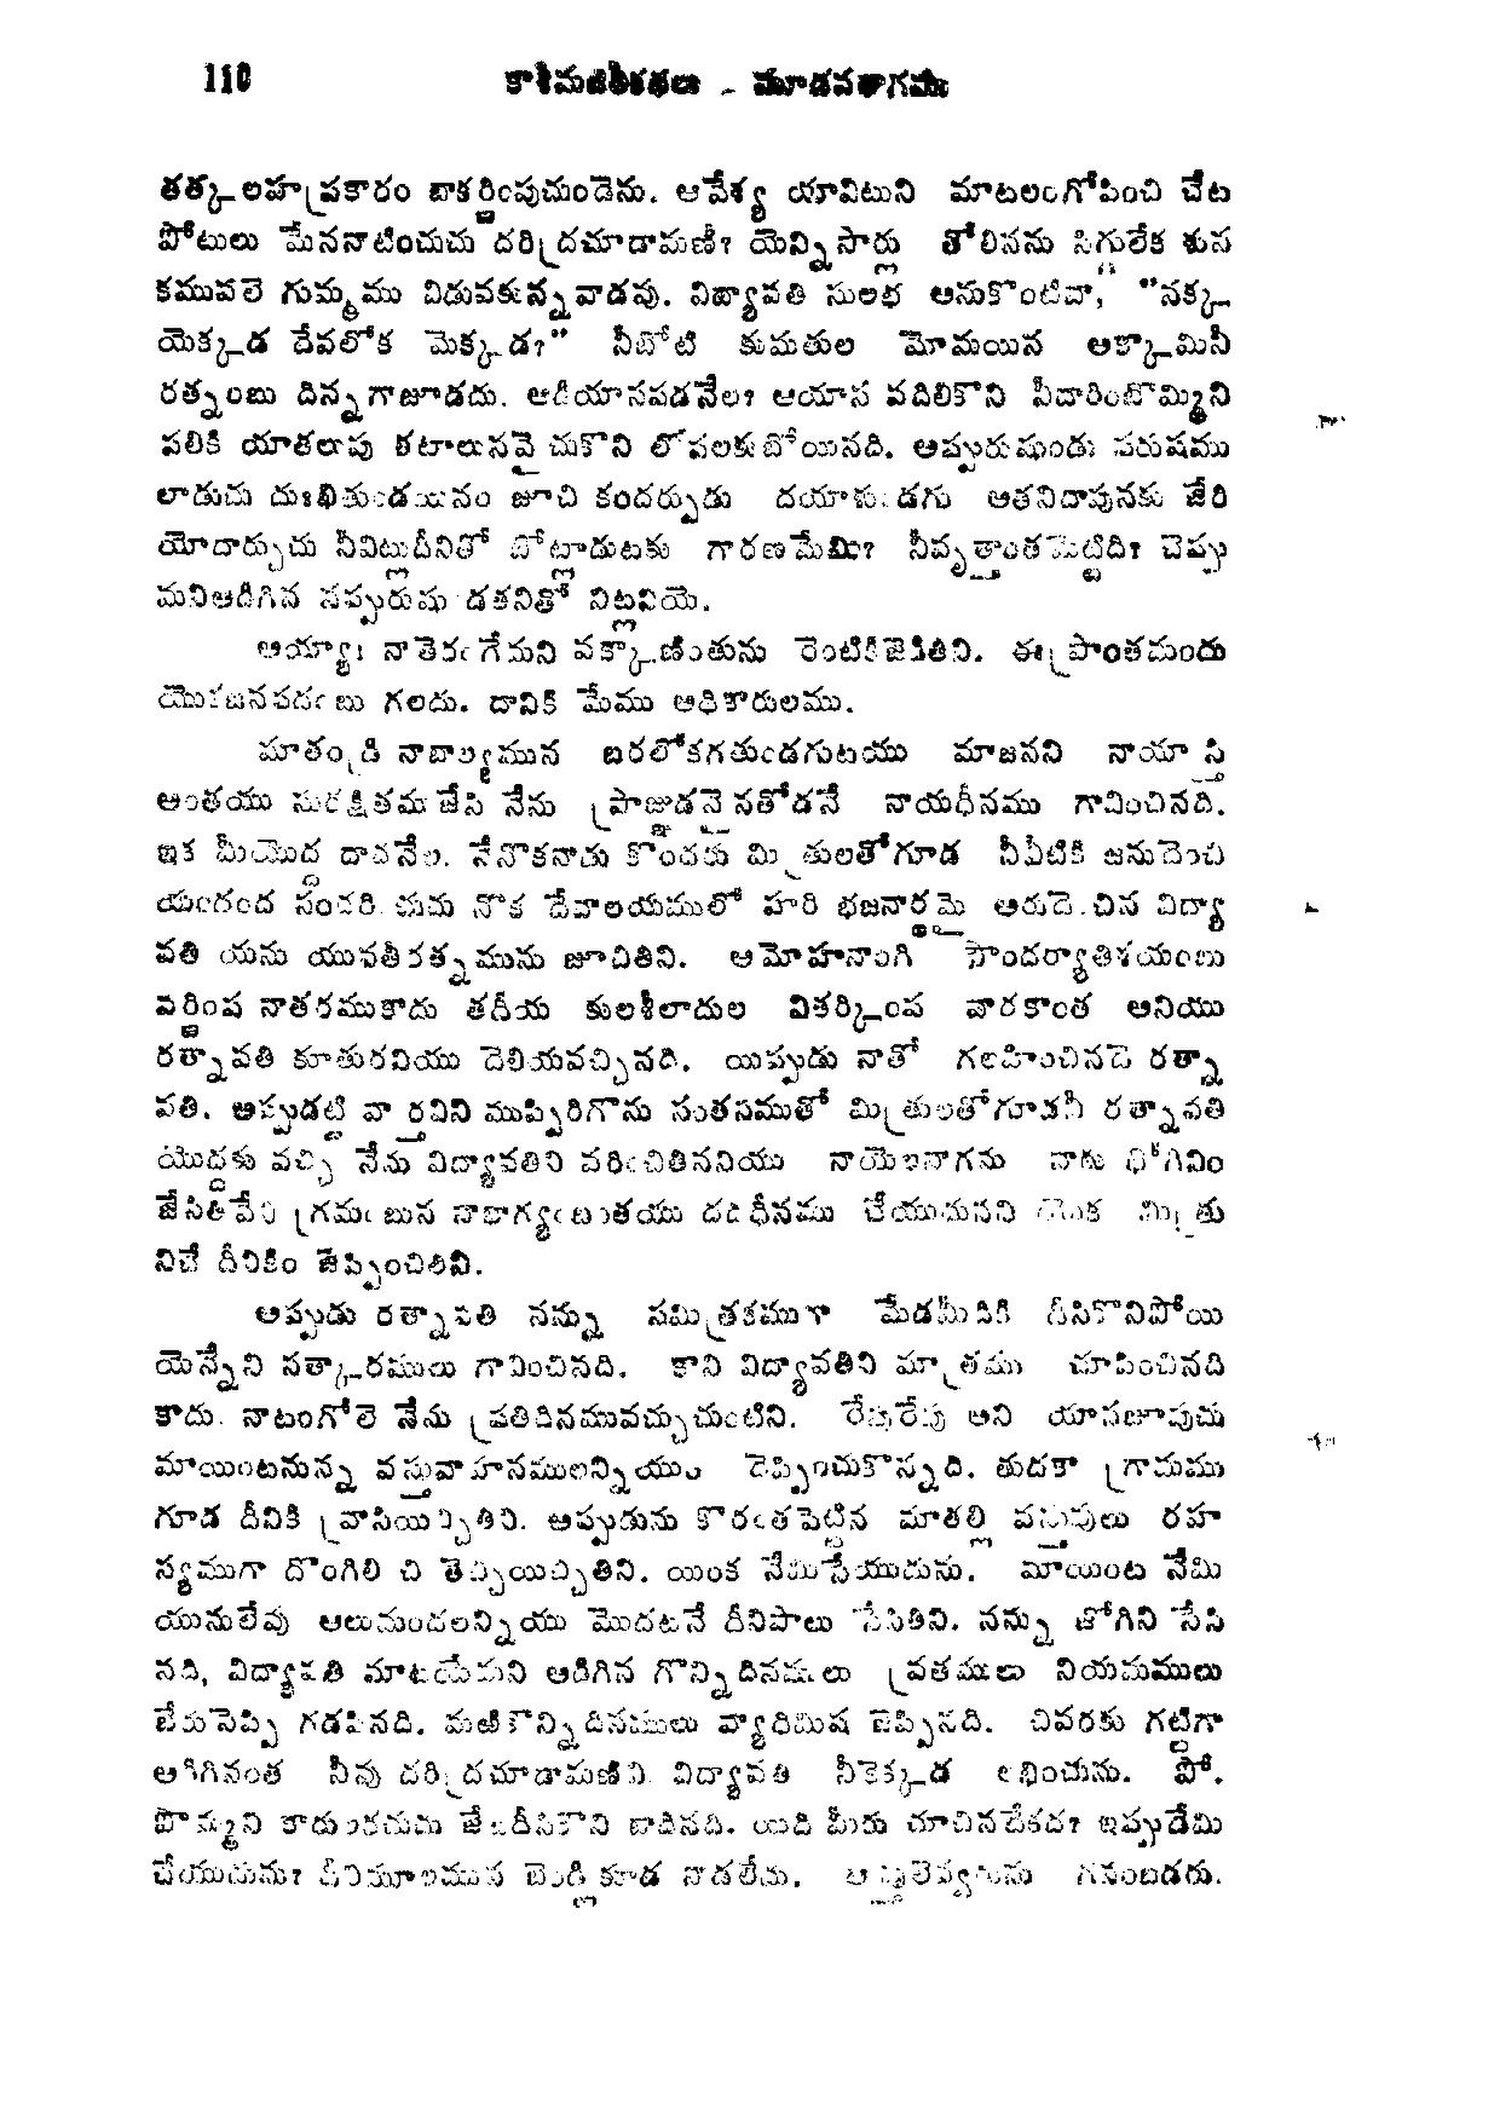తత్కలహప్రకారం బాకర్ణింపుచుండెను. ఆవేశ్య యావిటుని మాటలంగోపించి చేటపోటులు మేననాటించుచు దరిద్రచూడామణీ? యెన్నిసార్లు తోలినను సిగ్గులేక శునకమువలె గుమ్మము విడువకున్నవాడవు. విద్యావతి సులభ అనుకొంటివా, "నక్క యెక్కడ దేవలోక మెక్కడ?" నీబోటి కుమతుల మోమయిన అక్కామినీరత్నంబు దిన్నగాజూడదు. అదియాసపడనేల? ఆయాస వదిలికొని నీదారింబొమ్మని పలికి యాతలుపు తటాలునవై చుకొని లోపలకుబోయినది. అప్పురుషుండు పరుషము లాడుచు దుఃఖితుండయినం జూచి కందర్పుడు దయాళుండగు ఆతనిదాపునకు జేరి యోదార్చుచు నీవిట్లుదీనితో బోట్లాడుటకు గారణమేమి? నీవృత్తాంతమెట్టిది? చెప్పుమనిఅడిగిన సప్పురుషు డతనితో నిట్లనియె.

అయ్యా! నాతెరంగేమని వక్కాణింతును రెంటికిజెడితిని. ఈప్రాంతమందు యొకజనపదంబు గలదు. దానికి మేము అధికారులము.

మాతండ్రి నాబాల్యమున బరలోకగతుండగుటయు మాజనని నాయాస్తి అంతయు సురక్షితముజేసి నేను ప్రాజ్ఞుడనైనతోడనే నాయధీనము గావించినది. ఇక మీయొద్ద దాచనేల. నేనొకనాడు కొందరు మిత్రులతోగూడ నీవీటికి జనుదెంచి యందంద సంచరించుచు నొక దేవాలయములో హరి భజనార్థమై అరుదెంచిన విద్యావతి యను యువతీరత్నమును జూచితిని. ఆమోహనాంగి సౌందర్యాతిశయంబు వర్ణింప నాతరముకాదు తదీయ కులశీలాదుల వితర్కింప వారకాంత అనియు రత్నావతి కూతురనియు దెలియవచ్చినది. యిప్పుడు నాతో గలహించినదె రత్నావతి. అప్పుడట్టి వార్తవిని ముప్పిరిగొను సంతసముతో మిత్రులతోగూడనీ రత్నావతి యొద్దకు వచ్చి నేను విద్యావతిని వరించితిననియు నాయెలనాగను నాకు భోగినింజేసితివేని గ్రమంబున నాభాగ్యంబంతయు దదధీనము చేయుదునని యొక మిత్రునిచే దీనికిం జెప్పించితిని.

అప్పుడు రత్నావతి నన్ను సమిత్రకముగా మేడమీదికి దీసికొనిపోయి యెన్నేని సత్కారములు గావించినది. కాని విద్యావతిని మాత్రము చూపించినది కాదు. నాటంగోలె నేను ప్రతిదినమువచ్చు చుంటిని. రేపురేపు అని యాసజూపుచు మాయింటనున్న వస్తువాహనములన్నియు దెప్పించుకొన్నది. తుదకా గ్రామము గూడ దీనికి వ్రాసియిచ్చితిని. అప్పుడును కొరంతపెట్టిన మాతల్లి వస్తువులు రహస్యముగా దొంగిలించి తెచ్చియిచ్చితిని. యింక నేమి సేయుదును. మాయింట నేమియునులేవు ఆలుమందలన్నియు మొదటినే దీనిపాలు సేసితిని. నన్ను జోగిని సేసినది. విద్యావతి మాటయేమని అడిగిన గొన్నిదినములు వ్రతములు నియమములు బేరుసెప్పి గడపినది. మఱికొన్ని దినములు వ్యాధిమిష జెప్పినది. చివరకు గట్టిగా అడిగినంత నీవు దరిద్రచూడామణివి విద్యావతి నీకెక్కడ లభించును. పో. పొమ్మని కారులరచుచు జేలుదీసికొని బాదినది. యిది మీరు చూచినదేకద? ఇప్పుడేమి చేయుదును? దీనిమూలమున బెండ్లికూడ నాడలేదు. ఆప్తులెవ్వరును గనంబడరు.